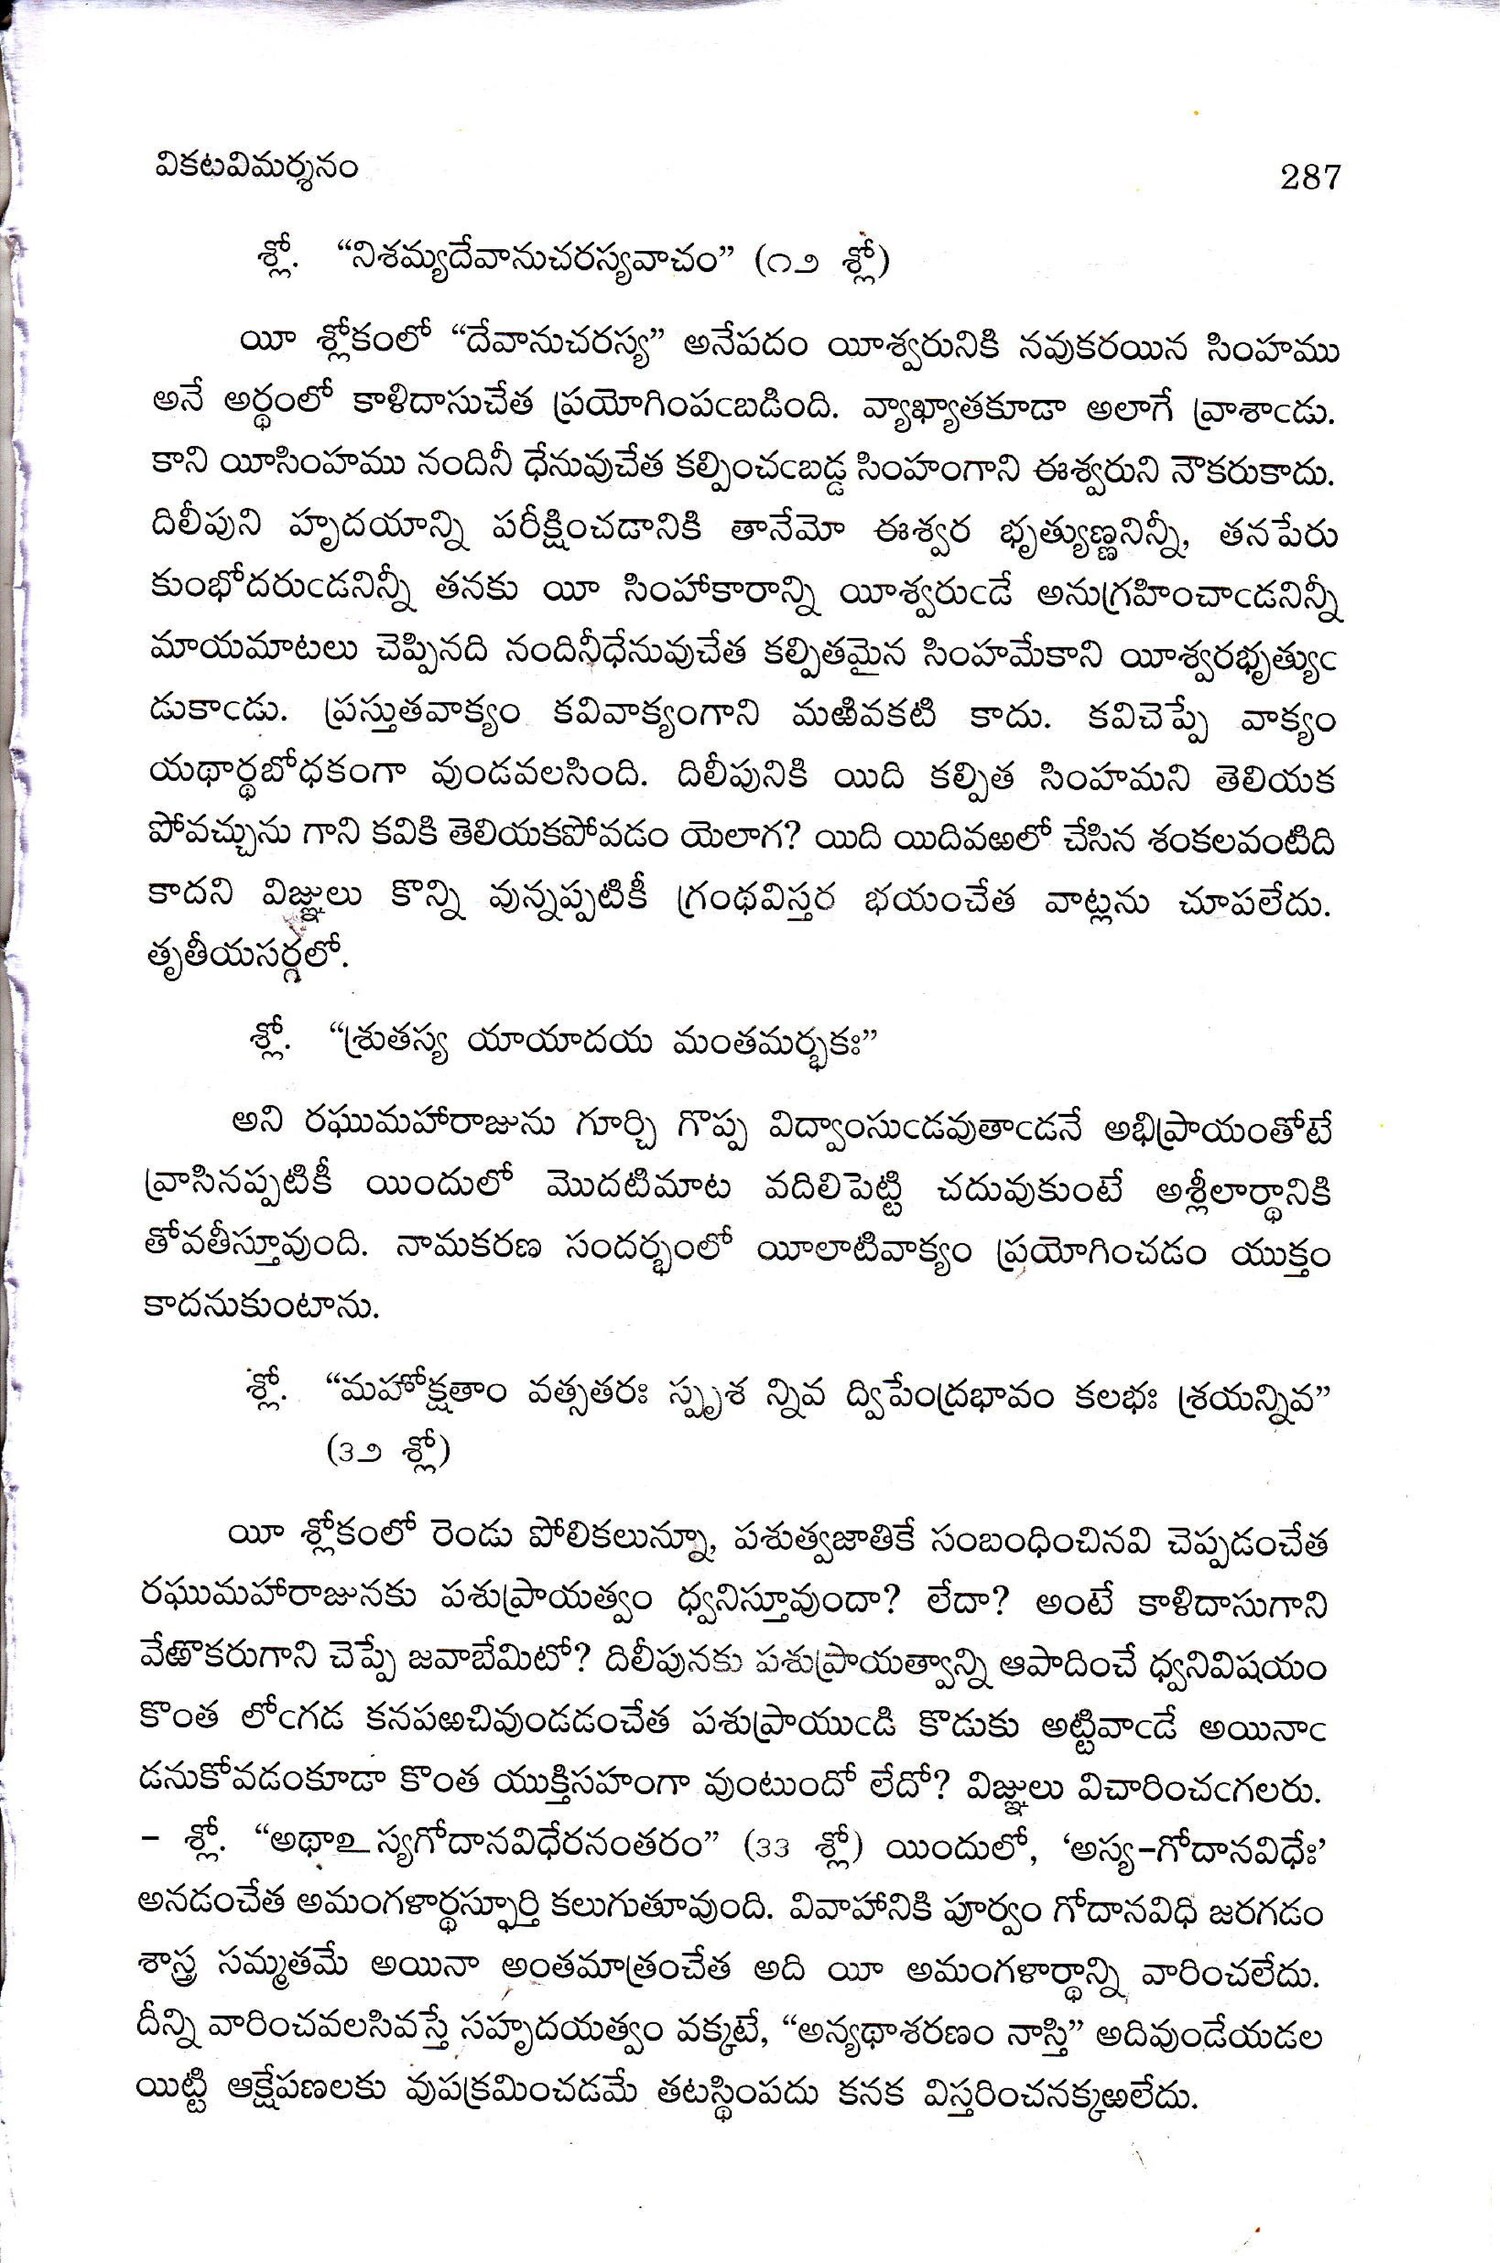శ్లో. "నిశమ్యదేవానుచరస్యవాచం” (12 శ్లో)
యీ శ్లోకంలో “దేవానుచరస్య" అనేపదం యీశ్వరునికి నవుకరయిన సింహము అనే అర్థంలో కాళిదాసుచేత ప్రయోగింపఁబడింది. వ్యాఖ్యాతకూడా అలాగే వ్రాశాcడు. కాని యీసింహము నందినీ ధేనువుచేత కల్పించcబడ్డ సింహంగాని ఈశ్వరుని నౌకరుకాదు. దిలీపుని హృదయాన్ని పరీక్షించడానికి తానేమో ఈశ్వర భృత్యుణ్ణనిన్నీ తనపేరు కుంభోదరుఁడనిన్నీ తనకు యీ సింహాకారాన్ని యీశ్వరుఁడే అనుగ్రహించాఁడనిన్నీ మాయమాటలు చెప్పినది నందినీధేనువుచేత కల్పితమైన సింహమేకాని యీశ్వరభృత్యుఁడుకాఁడు. ప్రస్తుతవాక్యం కవివాక్యంగాని మఱివకటి కాదు. కవిచెప్పే వాక్యం యథార్థబోధకంగా వుండవలసింది. దిలీపునికి యిది కల్పిత సింహమని తెలియక పోవచ్చును గాని కవికి తెలియకపోవడం యెలాగ? యిది యిదివఱలో చేసిన శంకలవంటిది కాదని విజ్ఞులు కొన్ని వున్నప్పటికీ గ్రంథవిస్తర భయంచేత వాట్లను చూపలేదు. తృతీయసర్గలో,

శ్లో. "శ్రుతస్య యాయాదయ మంతమర్భకః"
అని రఘుమహారాజును గూర్చి గొప్ప విద్వాంసుఁడవుతాఁడనే అభిప్రాయంతోటే వ్రాసినప్పటికీ యిందులో మొదటిమాట వదిలిపెట్టి చదువుకుంటే అశ్లీలార్థానికి తోవతీస్తూవుంది. నామకరణ సందర్భంలో యీలాటివాక్యం ప్రయోగించడం యుక్తం కాదనుకుంటాను.

శ్లో. “మహోక్షతాం వత్సతరః స్పృశ న్నివ ద్విపేంద్రభావం కలభః శ్రయన్నివ" (32 శ్లో)
యీ శ్లోకంలో రెండు పోలికలున్నూ పశుత్వజాతికే సంబంధించినవి చెప్పడంచేత రఘుమహారాజునకు పశుప్రాయత్వం ధ్వనిస్తూవుందా? లేదా? అంటే కాళిదాసుగాని వేఱొకరుగాని చెప్పే జవాబేమిటో? దిలీపునకు పశుప్రాయత్వాన్ని ఆపాదించే ధ్వనివిషయం కొంత లోఁగడ కనపఱచివుండడంచేత పశుప్రాయుఁడి కొడుకు అట్టివాఁడే అయినాఁ డనుకోవడంకూడా కొంత యుక్తిసహంగా వుంటుందో లేదో? విజ్ఞులు విచారించంగలరు. - శ్లో "అథా౽స్యగోదానవిధేరనంతరం" (33 శ్లో) యిందులో, అస్య-గోదానవిధేః అనడంచేత అమంగళార్థస్ఫూర్తి కలుగుతూవుంది. వివాహానికి పూర్వం గోదానవిధి జరగడం శాస్త్ర సమ్మతమే అయినా అంతమాత్రంచేత అది యీ అమంగళార్ధాన్ని వారించలేదు. దీన్ని వారించవలసివస్తే సహృదయత్వం వక్కటే, "అన్యథాశరణం నాస్తి" అదివుండేయడల యిట్టి ఆక్షేపణలకు వుపక్రమించడమే తటస్థింపదు కనక విస్తరించనక్కఱలేదు.